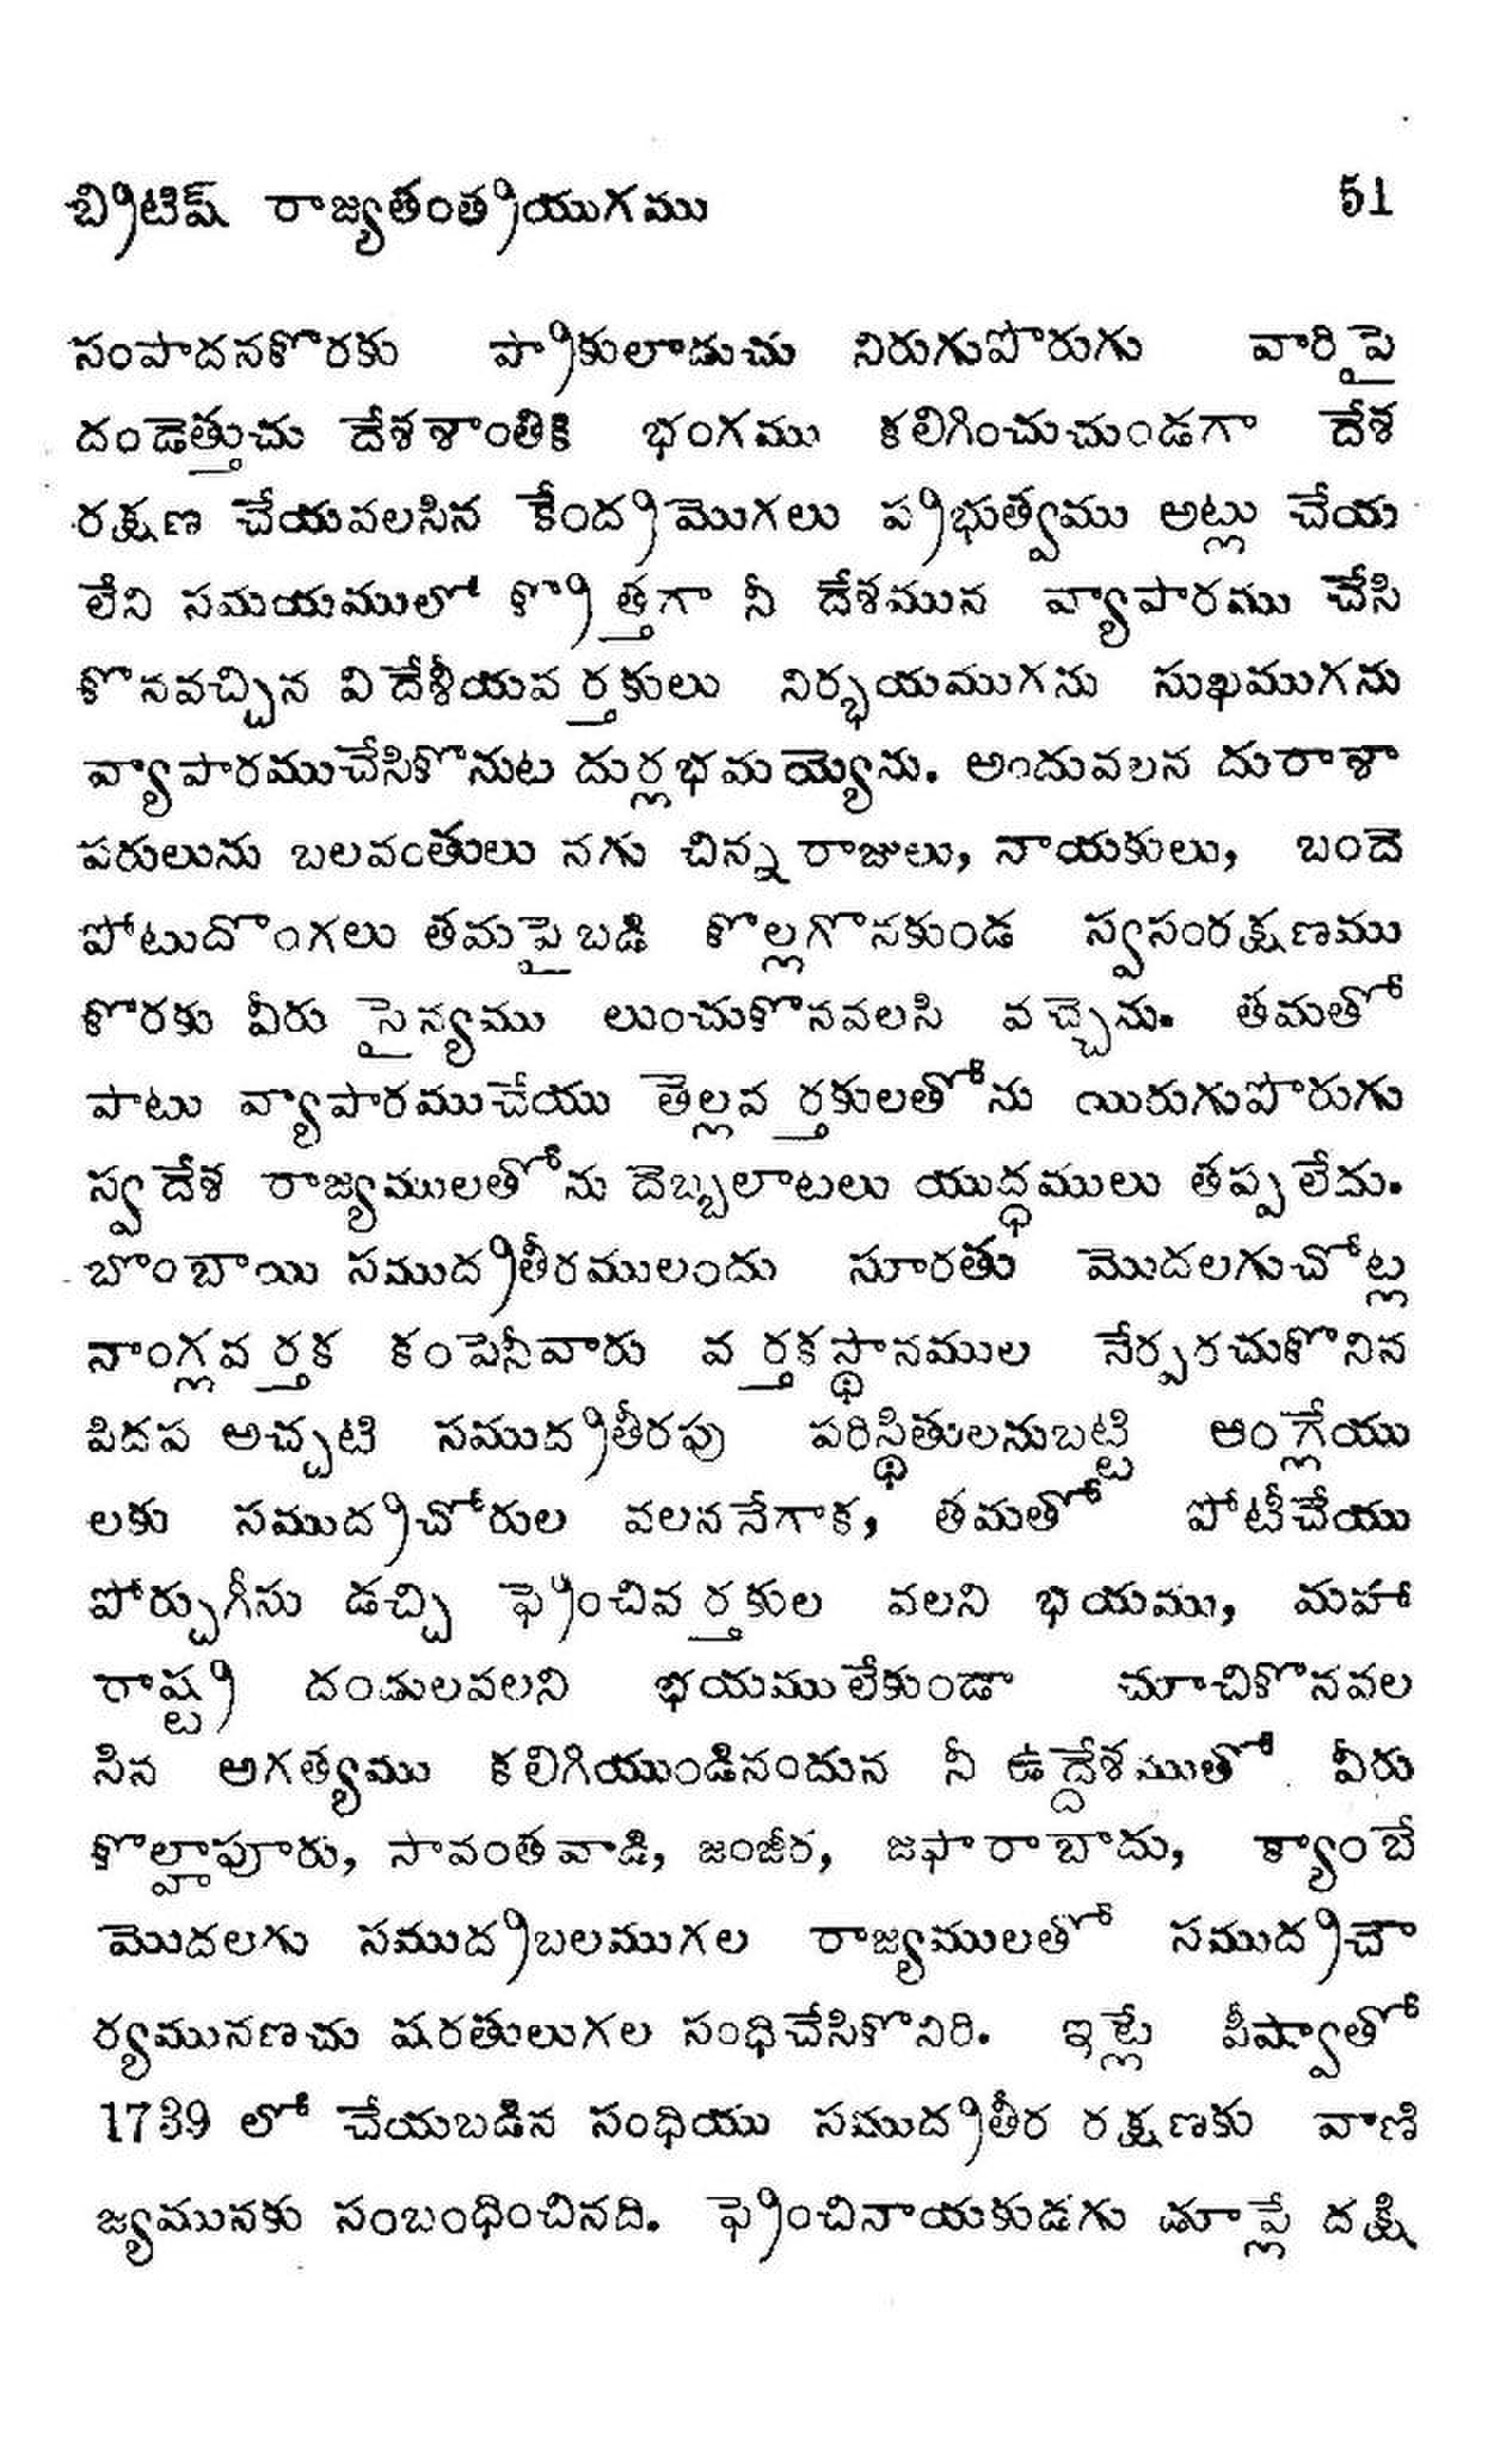సంపాదనకొరకు ప్రాకులాడుచు నిరుగుపొరుగు వారిపై దండెత్తుచు దేశశాంతికి భంగము కలిగించుచుండగా దేశరక్షణ చేయవలసిన కేంద్రమొగలు ప్రభుత్వము అట్లు చేయలేని సమయములో క్రొత్తగా నీ దేశమున వ్యాపారము చేసికొనవచ్చిన విదేశీయవర్తకులు నిర్భయముగను సుఖముగను వ్యాపారముచేసికొనుట దుర్లభమయ్యెను. అందువలన దురాశాపరులును బలవంతులు నగు చిన్నరాజులు, నాయకులు, బందెపోటుదొంగలు తమపైబడి కొల్లగొనకుండ స్వసంరక్షణము కొరకు వీరు సైన్యము లుంచుకొనవలసి వచ్చెను. తమతోపాటు వ్యాపారముచేయు తెల్లవర్తకులతోను యిరుగుపొరుగు స్వదేశ రాజ్యములతోను దెబ్బలాటలు యుద్ధములు తప్పలేదు. బొంబాయి సముద్రతీరములందు సూరతు మొదలగుచోట్ల నాంగ్లవర్తక కంపెనీవారు వర్తకస్థానముల నేర్పరచుకొనిన పిదప అచ్చటి సముద్రతీరపు పరిస్థితులనుబట్టి ఆంగ్లేయులకు సముద్రచోరుల వలననేగాక, తమతో పోటీచేయు పోర్చుగీసు డచ్చి ఫ్రెంచివర్తకుల వలని భయము, మహారాష్ట్ర దండులవలని భయములేకుండా చూచికొనవలసిన అగత్యము కలిగియుండినందున నీ ఉద్దేశముతో, వీరు కొల్హాపూరు, సావంతవాడి, జంజీర, జఫారాబాదు, క్యాంబే మొదలగు సముద్రబలముగల రాజ్యములతో సముద్రచౌర్యమునణచు షరతులుగల సంధిచేసికొనిరి. ఇట్లే పీష్వాతో 1739 లో చేయబడిన సంధియు సముద్రతీర రక్షణకు వాణిజ్యమునకు సంబంధించినది. ఫ్రెంచినాయకుడగు డూప్లే దక్షి